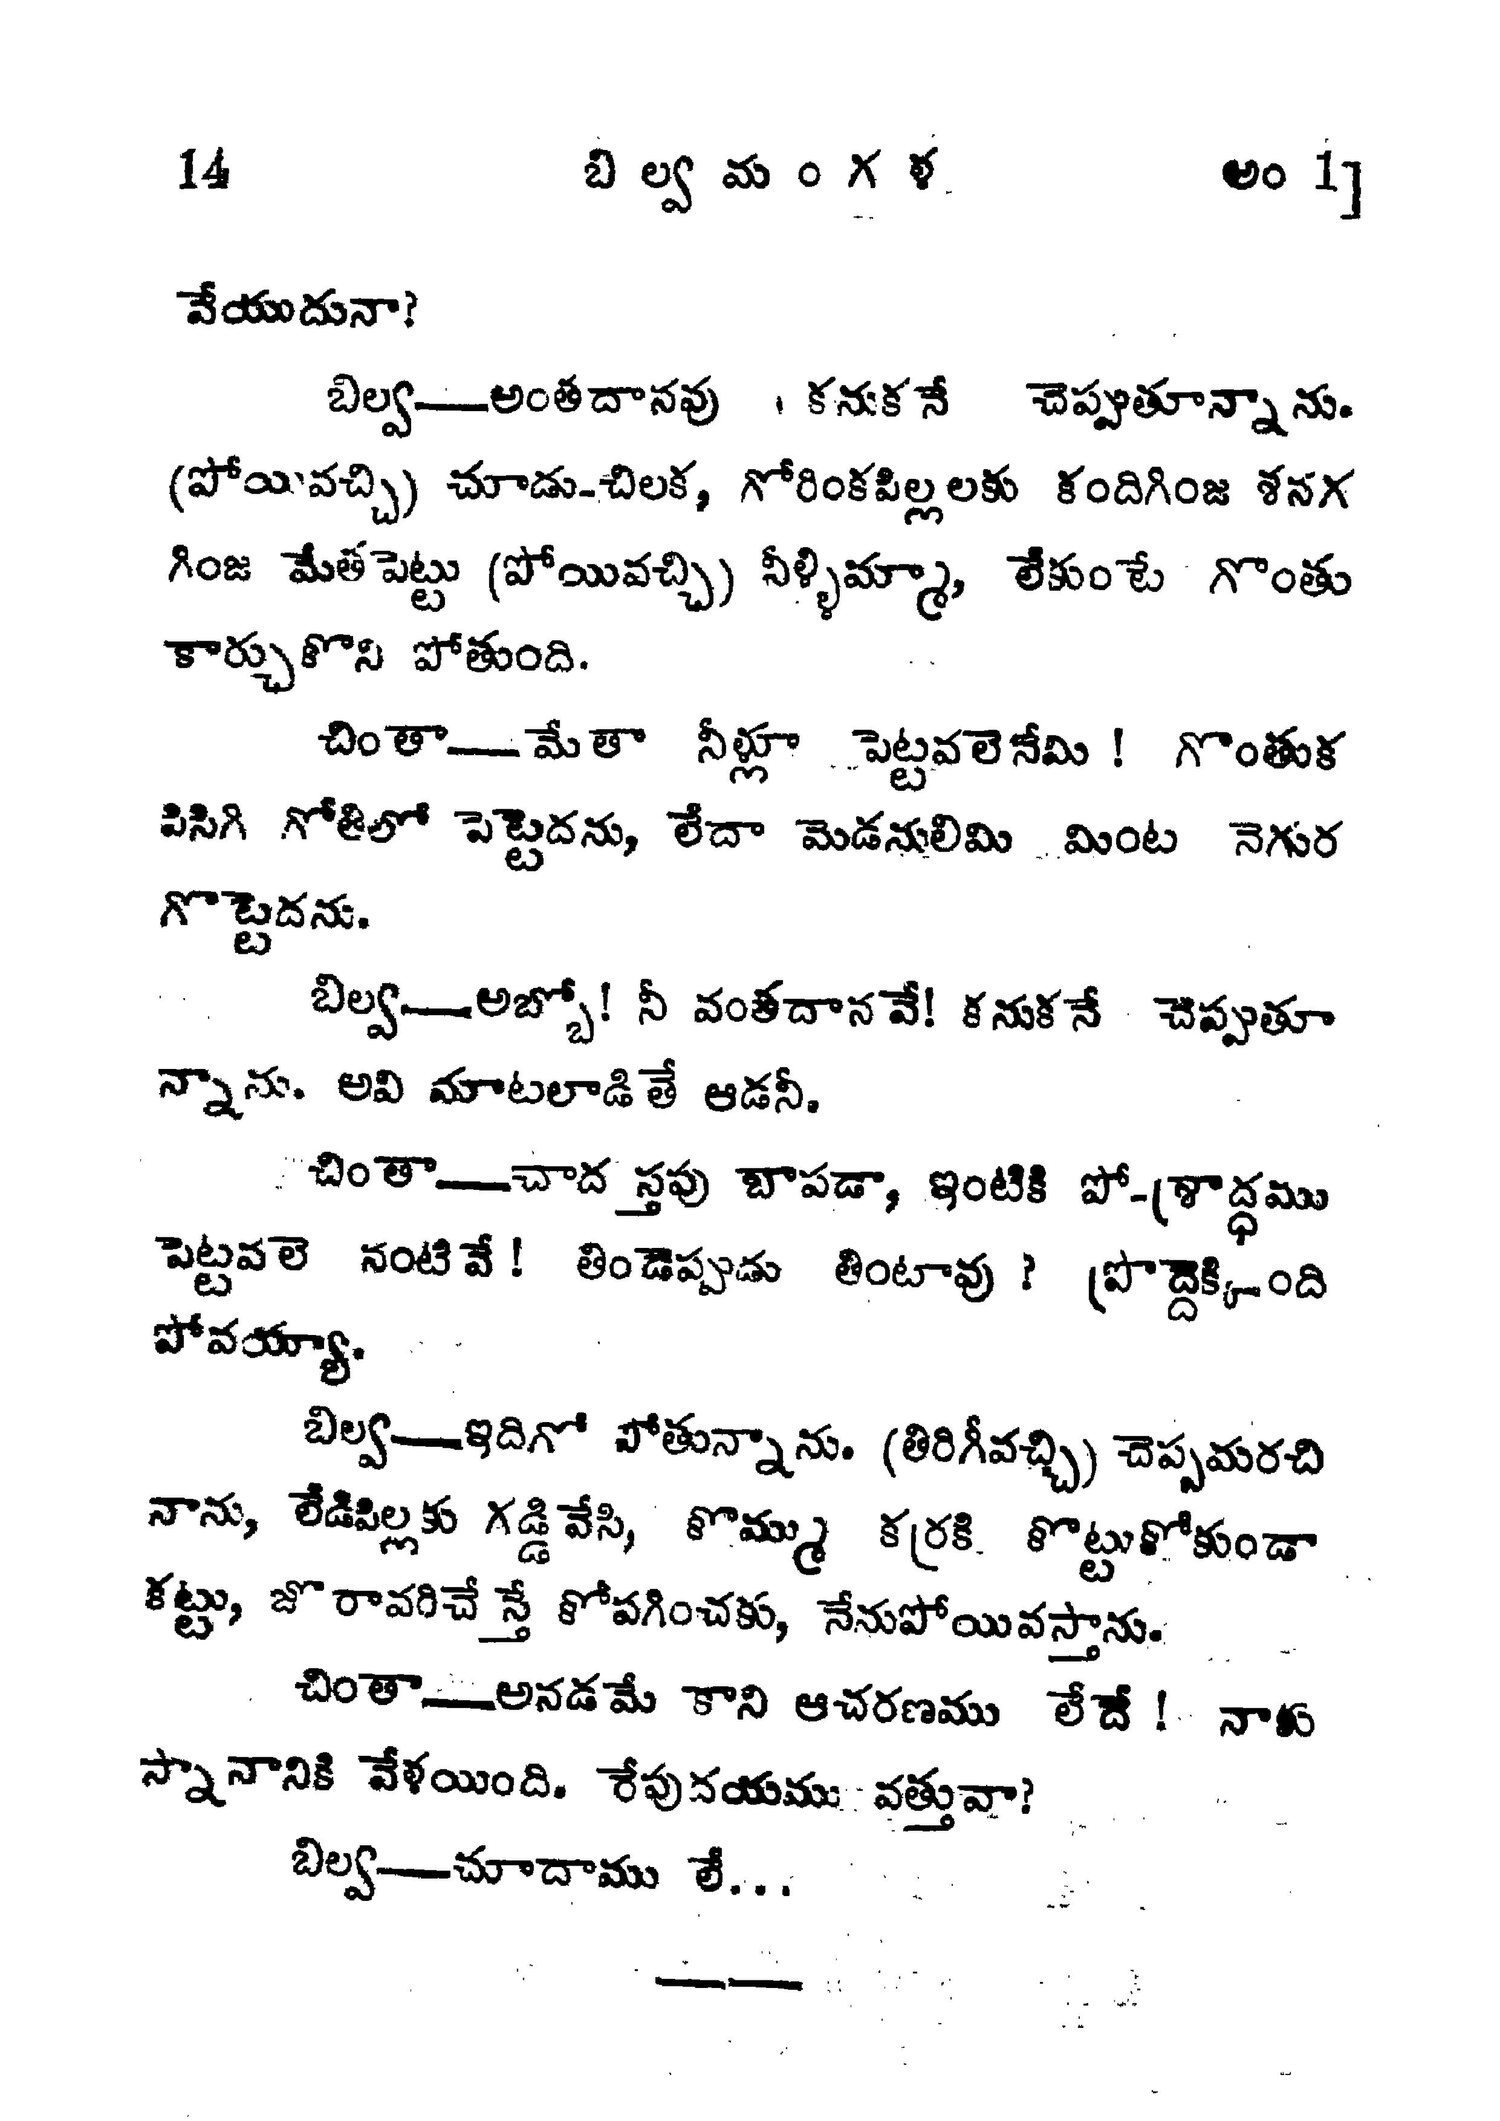వేయుదునా?

బిల్వ - అంతదానవు కనుకనే చెప్పుతున్నాను. (పోయివచ్చి) చూడు - చిలక, గోరింకపిల్లలకు కందిగింజ శనగ గింజ మేతపెట్టు (పోయివచ్చి) నీళ్ళిమ్మా, లేకుంటే గొంతు కార్చుకొని పోతుంది.

చింతా - మేతా నీళ్లూ పెట్టవలెనేమి! గొంతుక పిసిగి గోతిలో పెట్టెదను, లేదా మెడనులిమి మింట నెగుర గొట్టెదను.

బిల్వ - అబ్బో! నీ వంతదానవే! కనుకనే చెప్పుతూన్నాను. అవి మాటలాడితే ఆడనీ.

చింతా - చాదస్తపు బాపడా, ఇంటికి పో - శ్రాద్ధము పెట్టవలె నంటివే! తిండెప్పుడు తింటావు ? ప్రొద్దెక్కింది పోవయ్యా.

బిల్వ - ఇదిగో పోతున్నాను. (తిరిగీవచ్చి) చెప్పమరచి నాను, లేడిపిల్లకు గడ్డివేసి, కొమ్ము కర్రకి కొట్టుకోకుండా కట్టు, జొరావరిచేస్తే కోపగించకు, నేనుపోయివస్తాను.

చింతా - అనడమే కాని ఆచరణము లేదే! నాకు స్నానానికి వేళయింది. రేపుదయము వత్తువా?

బిల్వ - చూదాము లే...